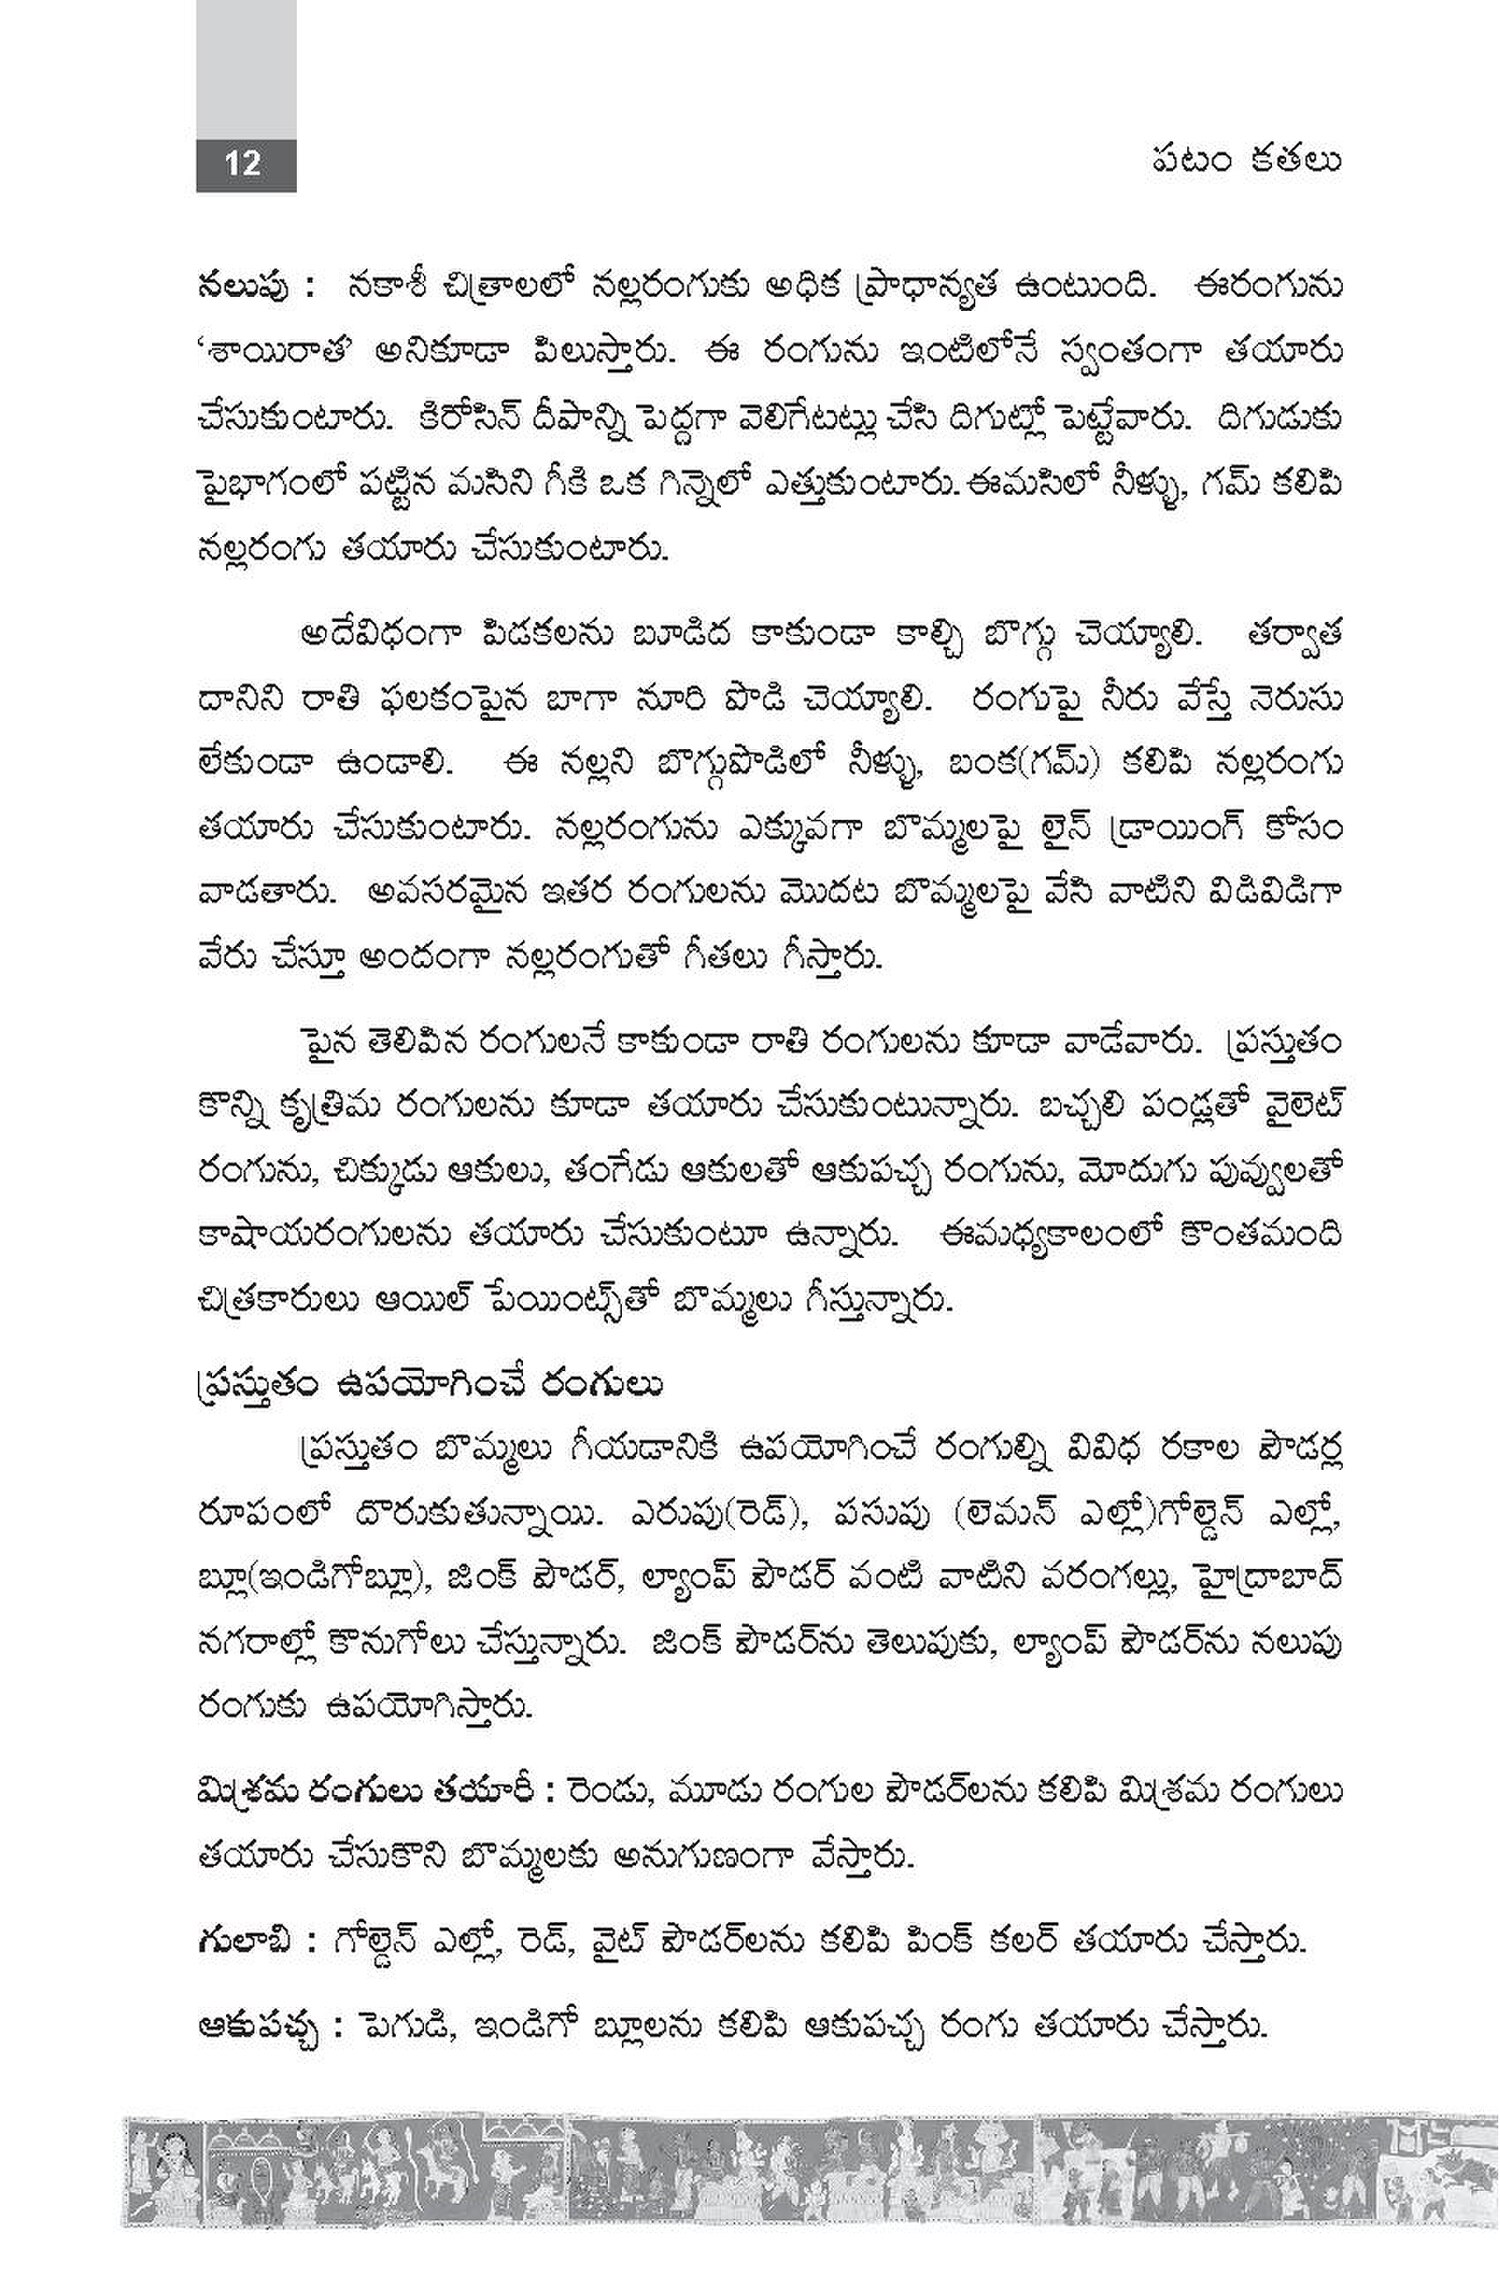నలుపు : నకాశీ చిత్రాలలో నల్లరంగుకు అధిక ప్రాధాన్యత ఉంటుంది. ఈరంగును 'శాయిరాత' అనికూడా పిలుస్తారు. ఈ రంగును ఇంటిలోనే స్వంతంగా తయారు చేసుకుంటారు. కిరోసిన్ దీపాన్ని పెద్దగా వెలిగేటట్లు చేసి దిగుట్లో పెట్టేవారు. దిగుడుకు పైభాగంలో పట్టిన మసిని గీకి ఒక గిన్నెలో ఎత్తుకుంటారు. ఈమసిలో నీళ్ళు, గమ్ కలిపి
నల్లరంగు తయారు చేసుకుంటారు.

అదేవిధంగా పిడకలను బూడిద కాకుండా కాల్చి బొగ్గు చెయ్యాలి. తర్వాత దానిని రాతి ఫలకంపైన బాగా నూరి పొడి చెయ్యాలి. రంగుపై నీరు వేస్తే నెరుసు లేకుండా ఉండాలి. ఈ నల్లని బొగ్గుపొడిలో నీళ్ళు, బంక(గమ్) కలిపి నల్లరంగు
తయారు చేసుకుంటారు. నల్లరంగును ఎక్కువగా బొమ్మలపై లైన్ డ్రాయింగ్ కోసం వాడతారు. అవసరమైన ఇతర రంగులను మొదట బొమ్మలపై వేసి వాటిని విడివిడిగా వేరు చేస్తూ అందంగా నల్లరంగుతో గీతలు గీస్తారు.

పైన తెలిపిన రంగులనే కాకుండా రాతి రంగులను కూడా వాడేవారు. ప్రస్తుతం కొన్ని కృత్రిమ రంగులను కూడా తయారు చేసుకుంటున్నారు. బచ్చలి పండ్లతో వైలెట్ రంగును, చిక్కుడు ఆకులు, తంగేడు ఆకులతో ఆకుపచ్చ రంగును, మోదుగు పువ్వులతో కాషాయరంగులను తయారు చేసుకుంటూ ఉన్నారు. ఈమధ్యకాలంలో కొంతమంది
చిత్రకారులు ఆయిల్ పేయింట్స్ తొ బొమ్మలు గీస్తున్నారు.

ప్రస్తుతం ఉపయోగించే రంగులు 

ప్రస్తుతం బొమ్మలు గీయడానికి ఉపయోగించే రంగుల్ని వివిధ రకాల పౌడర్ల రూపంలో దొరుకుతున్నాయి. ఎరుపు(రెడ్), పసుపు (లెమన్ ఎల్లో) గోల్డెన్ ఎల్లో, బ్లూ(ఇండిగోబ్లూ), జింక్ పౌడర్, ల్యాంప్ పౌడర్ వంటి వాటిని వరంగల్లు, హైద్రాబాద్ నగరాల్లో కొనుగోలు చేస్తున్నారు. జింక్ పౌడరు తెలుపుకు, ల్యాంప్ పౌడర్ను నలుపు రంగుకు ఉపయోగిస్తారు.

మిశ్రమ రంగులు తయారీ: రెండు, మూడు రంగుల పౌడర్లను కలిపి మిశ్రమ రంగులు తయారు చేసుకొని బొమ్మలకు అనుగుణంగా వేస్తారు.

గులాబి : గోల్డెన్ ఎల్లో, రెడ్, వైట్ పౌడర్లను కలిపి పింక్ కలర్ తయారు చేస్తారు.

ఆకుపచ్చ : పెగుడి, ఇండిగో బ్లూలను కలిపి ఆకుపచ్చ రంగు తయారు చేస్తారు.